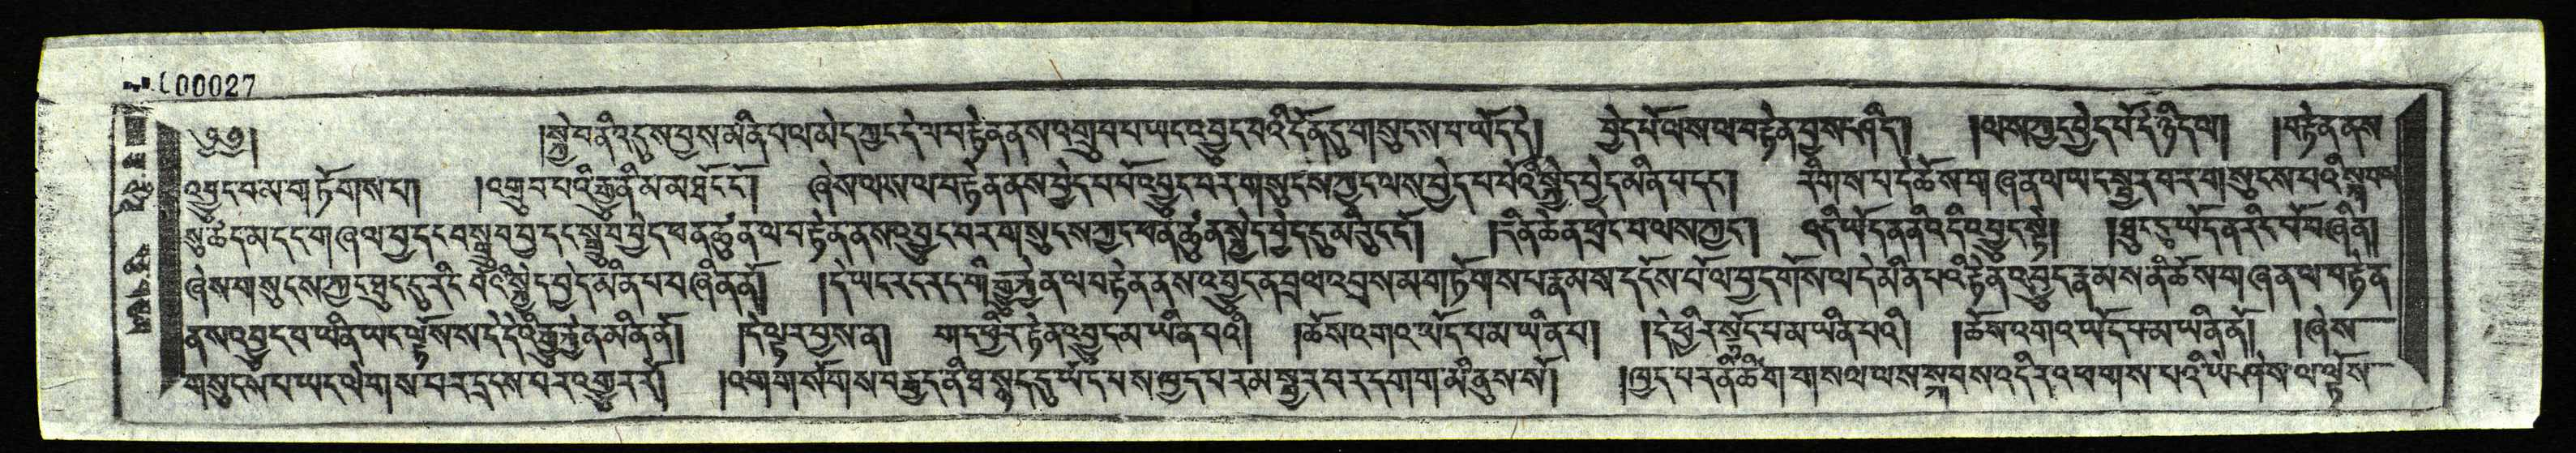༄༅། །སྐྱེ་བ་ནི་འདུས་བྱས་མིན་པ་ལ་མེད་ཀྱང་དེ་ལ་བརྟེན་ནས་འགྲུབ་པ་ཡང་འབྱུང་བའི་དོན་དུ་གསུངས་པ་ཡོད་དེ། བྱེད་པོ་ལས་ལ་བརྟེན་བྱས་ཤིང་། །ལས་ཀྱང་བྱེད་པོ་དེ་ཉིད་ལ། །བརྟེན་ནས་
འབྱུང་བ་མ་གཏོགས་པ། །འགྲུབ་པའི་རྒྱུ་ནི་མ་མཐོང་ངོ། ཞེས་ལས་ལ་བརྟེན་ནས་བྱེད་པ་པོ་འབྱུང་བར་གསུངས་ཀྱང་ལས་བྱེད་པ་པོའི་སྐྱེད་བྱེད་མིན་པ་དང་། རིགས་པ་དེ་ཆོས་གཞན་ལ་ཡང་སྦྱར་བ་ར་གསུངས་པའི་སྐབས་
སུ་ཚད་མ་དང་གཞལ་བྱ་དང་བསྒྲུབ་བྱ་དང་སྒྲུབ་བྱེད་ཕན་ཚུན་ལ་བརྟེན་ནས་འབྱུང་བར་གསུངས་ཀྱང་ཕན་ཚུན་སྐྱེད་བྱེད་དུ་མི་རུང་ངོ། །རིན་ཆེན་ཕྲེང་པ་ལས་ཀྱང་། འདི་ཡོད་ན་ནི་འདི་འབྱུང་སྟེ། །ཐུང་ངུ་ཡོད་ན་རིང་པོ་བཞིན།
ཞེས་གསུངས་ཀྱང་ཐུང་ངུ་རིང་བོའི་སྐྱེད་བྱེད་མིན་པ་བཞིན་ནོ། །དེ་ཡང་རང་རང་གི་རྒྱུ་རྐྱེན་ལ་བརྟེན་ནས་འབྱུང་ན་བྲལ་འབྲས་མ་གཏོགས་པ་རྣམས་དངོས་པོ་ལ་བྱ་དགོས་ལ་དེ་མིན་པའི་རྟེན་འབྱུང་རྣམས་ནི་ཆོས་གཞན་ལ་བརྟེན་
ནས་འབྱུང་བ་ཡིན་ཡང་ལྟོས་ས་དེ་དེའི་རྒྱུ་རྐྱེན་མིན་ནོ། །དེ་ལྟར་བྱས་ན། གང་ཕྱིར་རྟེན་འབྱུང་མ་ཡིན་བའི། །ཆོས་འགའ་ཡོད་པ་མ་ཡིན་པ། །དེ་ཕྱིར་སྟོང་པ་མ་ཡིན་པའི། །ཆོས་འགའ་ཡོད་པ་མ་ཡིན་ནོ། །ཞེས་
གསུངས་པ་ཡང་ལེགས་པར་དྲངས་བར་འགྱུར་རོ། །འགག་སོགས་བརྒྱད་ནི་ཐ་སྙད་དུ་ཡོད་པས་ཁྱད་པར་མ་སྦྱར་བར་དགག་མི་ནུས་སོ། །ཁྱད་པར་ནི་ཚིག་གསལ་ལས་སྐབས་འདིར་འཕགས་པའི་ཡེ་ཤེས་ལ་ལྟོས་